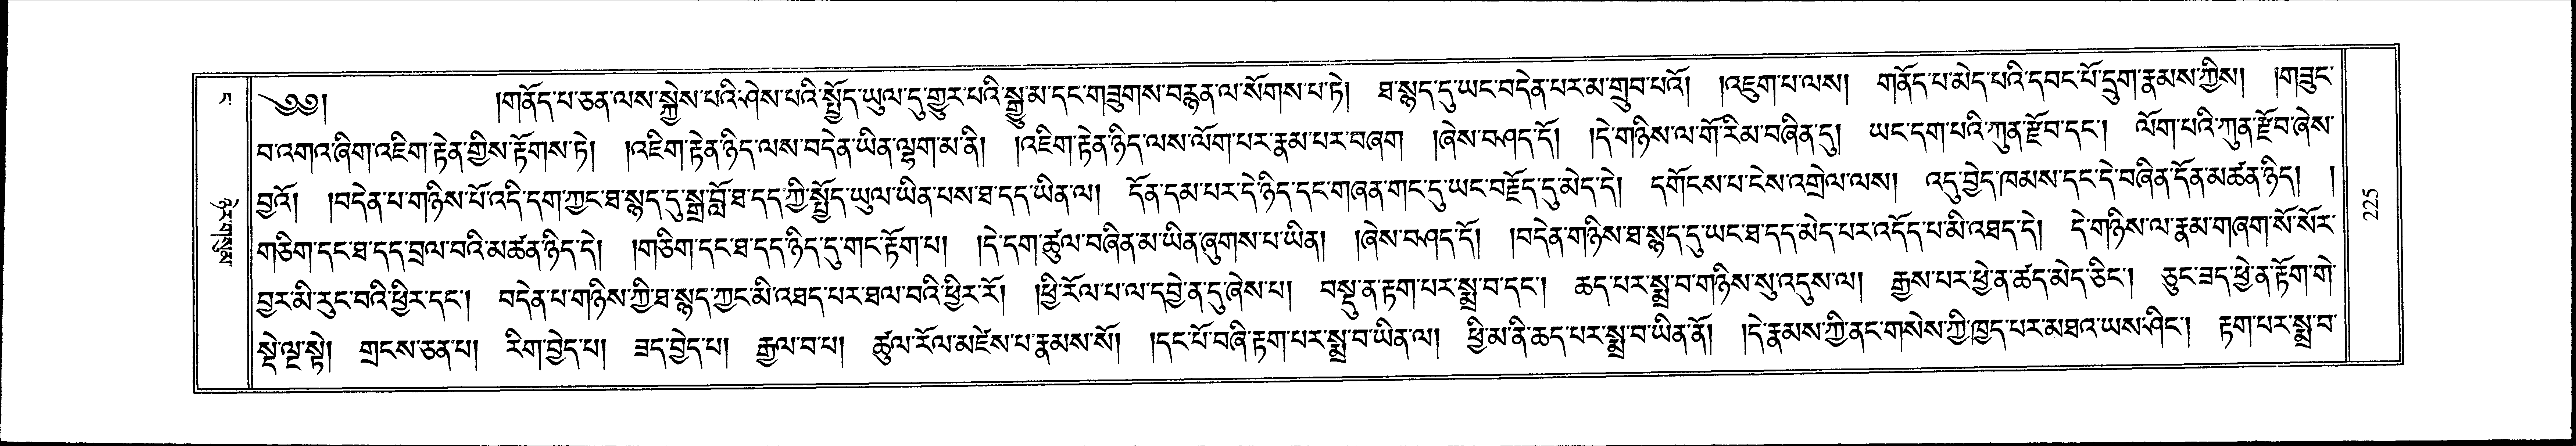༄༅། །གནོད་པ་ཅན་ལས་སྐྱེས་པའི་ཤེས་པའི་སྤྱོད་ཡུལ་དུ་གྱུར་པའི་སྒྱུ་མ་དང་གཟུགས་བརྙན་ལ་སོགས་པ་ཏེ། ཐ་སྙད་དུ་ཡང་བདེན་པར་མ་གྲུབ་པའོ། །འཇུག་པ་ལས། གནོད་པ་མེད་པའི་དབང་པོ་དྲུག་རྣམས་ཀྱིས། །གཟུང་
བ་འགའ་ཞིག་འཇིག་རྟེན་གྱིས་རྟོགས་ཏེ། །འཇིག་རྟེན་ཉིད་ལས་བདེན་ཡིན་ལྷག་མ་ནི། །འཇིག་རྟེན་ཉིད་ལས་ལོག་པར་རྣམ་པར་བཞག །ཞེས་བཤད་དོ། །དེ་གཉིས་ལ་གོ་རིམ་བཞིན་དུ། ཡང་དག་པའི་ཀུན་རྫོབ་དང་། ལོག་པའི་ཀུན་རྫོབ་ཞེས་
བྱའོ། །བདེན་པ་གཉིས་པོ་འདི་དག་ཀྱང་ཐ་སྙད་དུ་སྒྲ་བློ་ཐ་དད་ཀྱི་སྤྱོད་ཡུལ་ཡིན་པས་ཐ་དད་ཡིན་ལ། དོན་དམ་པར་དེ་ཉིད་དང་གཞན་གང་དུ་ཡང་བརྗོད་དུ་མེད་དེ། དགོངས་པ་ངེས་འགྲེལ་ལས། འདུ་བྱེད་ཁམས་དང་དེ་བཞིན་དོན་མཚན་ཉིད། །
གཅིག་དང་ཐ་དད་བྲལ་བའི་མཚན་ཉིད་དེ། །གཅིག་དང་ཐ་དད་ཉིད་དུ་གང་རྟོག་པ། །དེ་དག་ཚུལ་བཞིན་མ་ཡིན་ཞུགས་པ་ཡིན། །ཞེས་བཤད་དོ། །བདེན་གཉིས་ཐ་སྙད་དུ་ཡང་ཐ་དད་མེད་པར་འདོད་པ་མི་འཐད་དེ། དེ་གཉིས་ལ་རྣམ་གཞག་སོ་སོར་
བྱར་མི་རུང་བའི་ཕྱིར་དང་། བདེན་པ་གཉིས་ཀྱི་ཐ་སྙད་ཀྱང་མི་འཐད་པར་ཐལ་བའི་ཕྱིར་རོ། །ཕྱི་རོལ་པ་ལ་དབྱེ་ན་དུ་ཞེས་པ། བསྡུ་ན་རྟག་པར་སྨྲ་བ་དང་། ཆད་པར་སྨྲ་བ་གཉིས་སུ་འདུས་ལ། རྒྱས་པར་ཕྱེ་ན་ཚད་མེད་ཅིང་། ཅུང་ཟད་ཕྱེ་ན་རྟོག་གེ་
སྡེ་ལྔ་སྟེ། གྲངས་ཅན་པ། རིག་བྱེད་པ། ཟད་བྱེད་པ། རྒྱལ་བ་པ། ཚུལ་རོལ་མཛེས་པ་རྣམས་སོ། །དང་པོ་བཞི་རྟག་པར་སྨྲ་བ་ཡིན་ལ། ཕྱི་མ་ནི་ཆད་པར་སྨྲ་བ་ཡིན་ནོ། །དེ་རྣམས་ཀྱི་ནང་གསེས་ཀྱི་ཁྱད་པར་མཐའ་ཡས་ཤིང་། རྟག་པར་སྨྲ་བ་